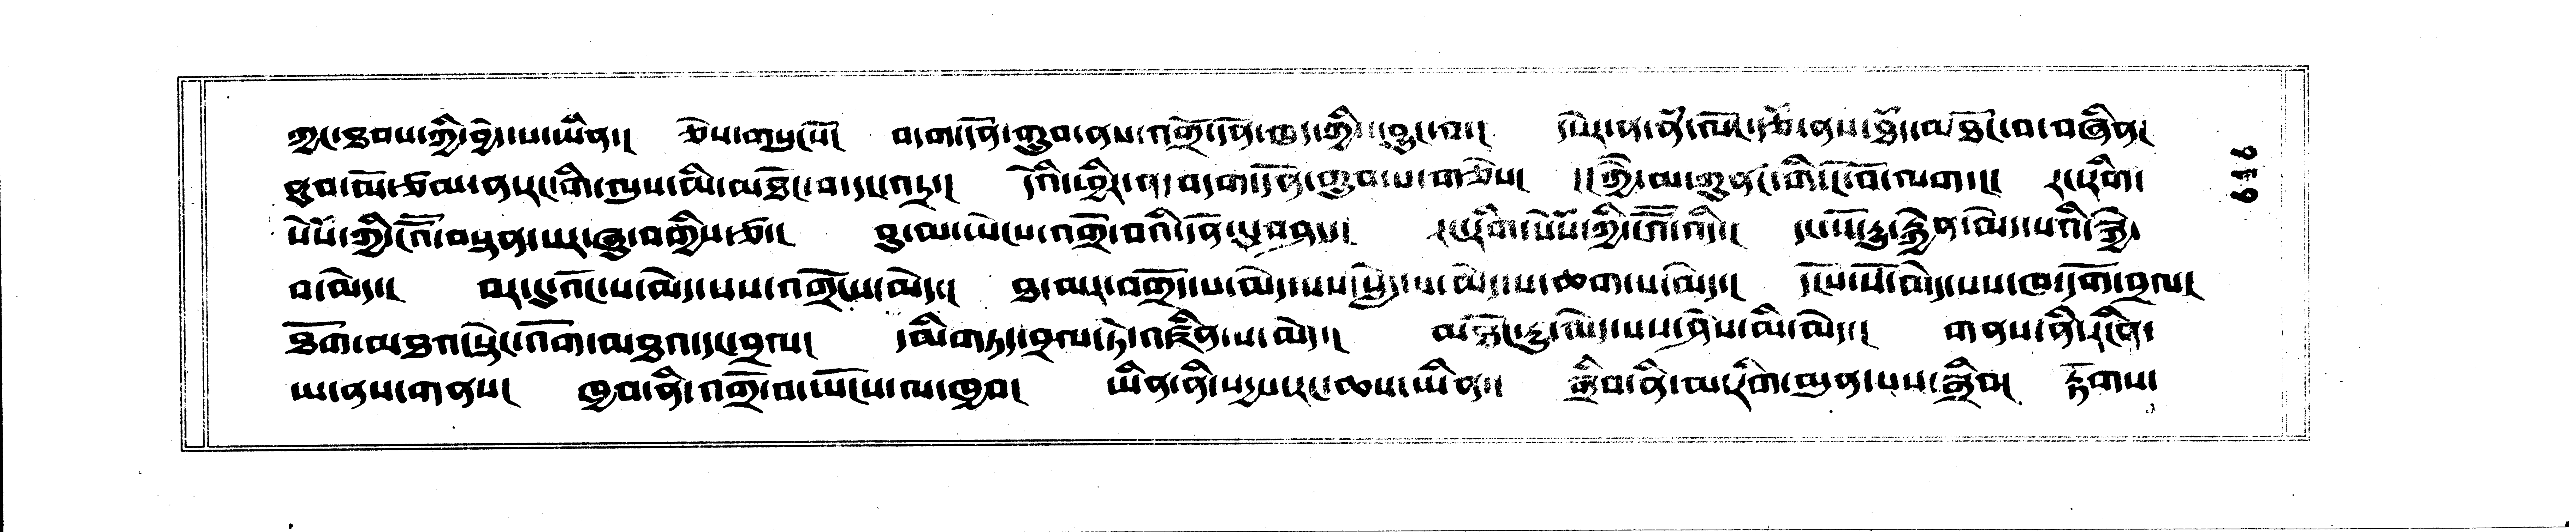ཀྱང་ཐབས་ཀྱི་མཛད་པ་ཡིན་ཅེས་གསུངས། བདག་དོན་འགྲུབ་ན་འགྲོ་དོན་ཁད་ཀྱིས་འོང་བ་ཡིན། དཔེར་ན་ནམ་ལངས་ཙ་ཐམས་ཅད་མཐོང་བ་ཡིན། 
ནུབ་མོ་རང་གི་རང་མི་མཐོང་བ་དང་འདྲ། དེའི་ཕྱིར་ན་བདག་དོན་འགྲུབས་པ་གཅེས་གསུངས། ཀྱེ་མ་ཀུན་བཟང་གི་ངོའོ་ལགས། རང་རིག་
སེམས་ཀྱིས་གནས་ལུག་བསྟན་པར་ཞུ་བགྱིས་ཙ། བུ་མ་ཡེངས་འགྲོ་བའི་དོན་དུ་བཤད། རང་རིག་སེམས་ཀྱི་ངོའོ་འདི། དང་པོ་རྒྱུ་རྐྱེན་མེད་པས་སྐྱེ་
བ་མེད། བར་དུ་འོང་ས་མེད་པས་འགྲོ་ས་མེད། ཐ་མ་བསྒྲོད་ས་མེད་པས་སླེབ་ས་མེད། གནས་པ་མེད་པས་ཆགས་པ་མེད། རྔོས་༼དངོས༽པོ་མེད་པས་ཁ་དོག་བྲལ། 
ཐོག་མཐའ་མེད་སྟེ་སྟེང་འོག་མཐའ་དང་བྲལ། དམིག་གཏད་བྲལ་སྟེ་འཛིན་པ་མེད། མཐོང་རྒྱུ་མེད་པས་ཤེས་མི་མེད། གནས་ནི་རང་བཞིན་
ཡེ་ནས་གནས། ཁྱབ་ནི་འགྲོ་བ་ཡོང་ལ་ཁྱབ། ཡིན་ནི་སངས་རྒྱས་རང་ཆས་ཡིན། སྒྲིབས་ནི་མ་རིག་མུན་པས་སྒྲིབ། རྟོགས་